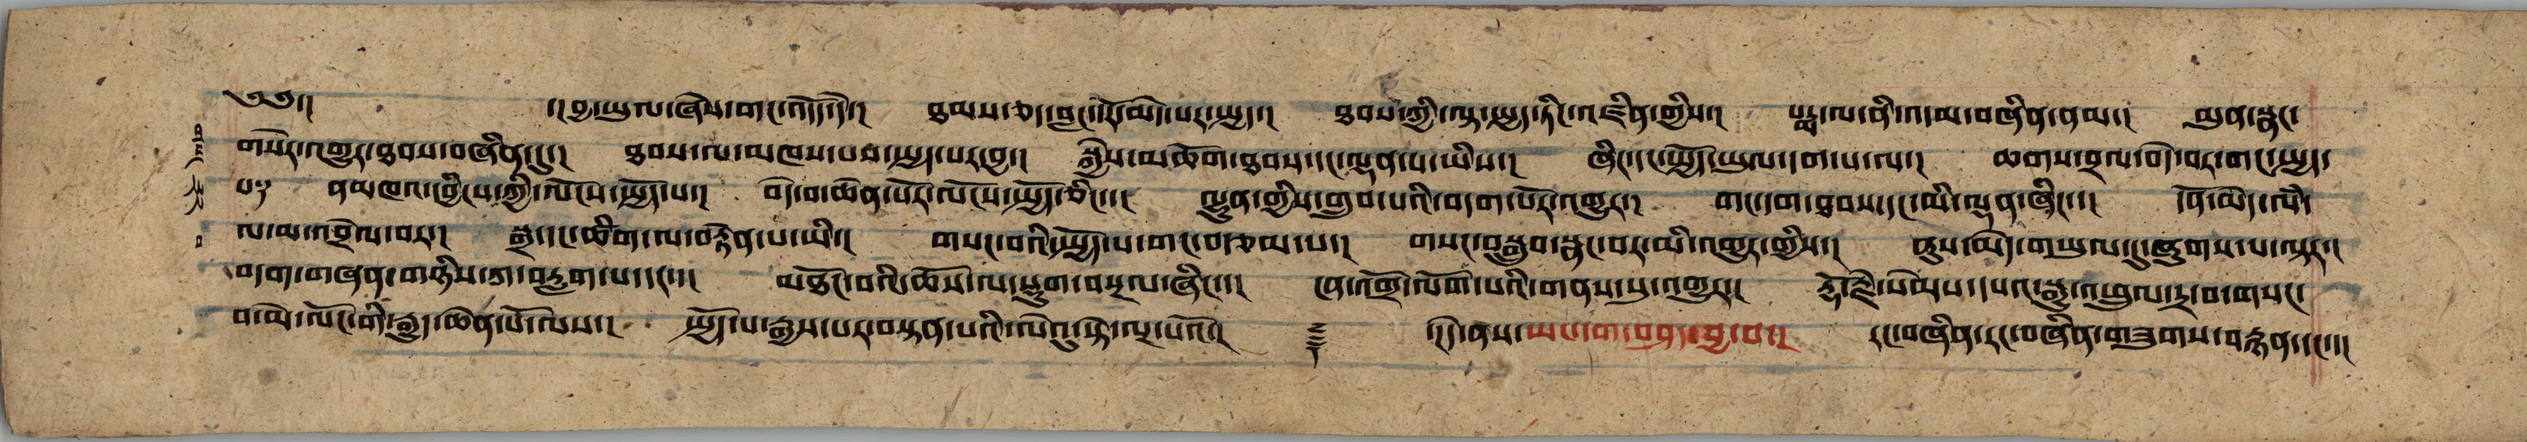༄༅་། ་།བྱ་ཡུལ་ཞེས་གང་འདོད་དེ་། ཐམས་ཅད་བླང་དོར་མེད་པར་སྤྱད་། ཐབས་ཀྱི་ལྟ་སྤྱད་ཏིང་འཛིན་གྱིས་། པདྨ་ལ་ནི་འདམ་བཞིན་ནམ་། མུན་སྣང་
གསེར་འགྱུར་ཐབས་བཞིན་དུ་། ཐབས་ལ་མཁས་པས་སྤྱད་པར་བྱ་། སྐྱེས་མཆོག་ཐབས་དང་ལྡན་པ་ཡིས་། ཞིང་དང་སྤྱོད་ཡུལ་དག་པ་ལ་། ཆགས་བྲལ་བདེ་བར་གང་སྤྱད་
པ༑ ནམཁའ་དབྱིངས་ཀྱི་ལོངས་སྤྱོད་པ་། བདེ་བ་ཆེན་པོར་ལོངས་སྤྱོད་ཅིང་་། ལྷུན་གྱིས་གྲུབ་པའི་བདག་པོར་འགྱུར་། གང་དག་ཐབས་དང་མི་ལྡན་ཞིང་་། དོན་མེད་ལཾ་
ལ་མ་འབྲེལ་བར་། སྒྲ་དང་ཚིག་ལ་བརྟེན་པ་ཡི་། གསང་བའི་སྤྱོད་པ་གང་བརྩམ་པ་། གསང་བསྒྲུབ་སྣང་བར་མི་འགྱུར་གྱིས་། ནུས་མེད་གཡུལ་དུ་ཞུགས་པ་ལྟར་།
བདག་གཞན་གཉིས་ཀ་བརླག་པ་དང་་། མཐོང་བའི་ཆོས་ལ་སྡུག་བསྔལ་ཞིང་་། ངན་འགྲོ་ལོག་པའི་གནས་སུ་འགྱུར་། རྡོ་རྗེ་སེམས་དཔའ་སྒྱུ་འཕྲུལ་དྲ་བ་གསང་
མེ་ལོང་གི་རྒྱུད་ཆེན་པོ་ལས་། སྤྱོད་པ་རྒྱས་པར་བསྟན་པའི་ལེའུ་སྟེ་ལྔ་པའོ་། ࿑ ་།དེ་ནས་ཡང་དག་བཤད་བྱ་བ་། རང་བཞིན་རང་བཞིན་གཟུགས་བརྙན་དང་་།